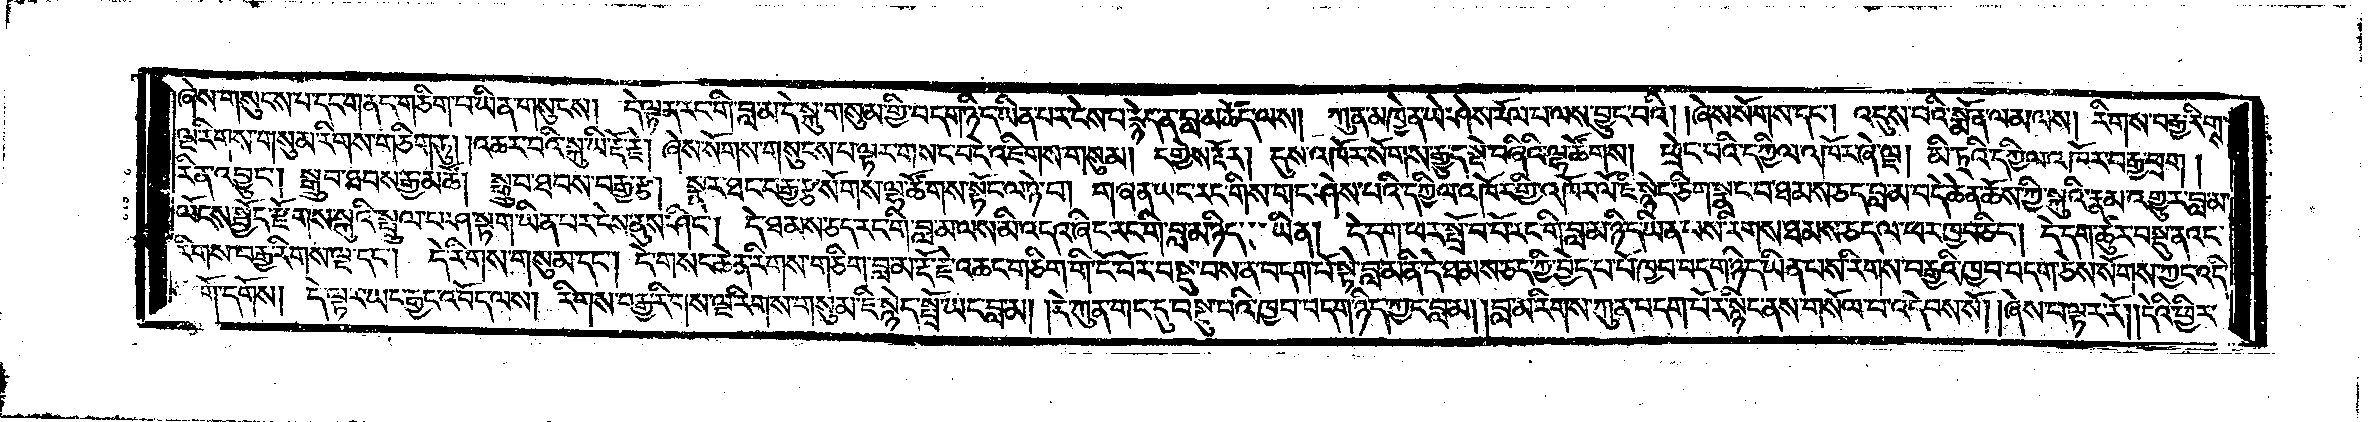ཞེས་གསུངས་པ་དང་གནད་གཅིག་པ་ཡིན་གསུངས། དེ་ལྟར་རང་གི་བླ་མ་དེ་སྐུ་གསུམ་གྱི་བདག་ཉིད་ཡིན་པར་ངེས་པ་རྙེད་ན་བླ་མཆོད་ལས། ཀུན་མཁྱེན་ཡེ་ཤེས་རོལ་པ་ལས་བྱུང་བའི། །ཞེས་སོགས་དང་། འདུས་པའི་སྨོན་ལམ་ལས། རིགས་བརྒྱ་རིགས་
ལྔ་རིགས་གསུམ་རིགས་གཅིག་ཏུ། །འཆར་བའི་སྐུ་ཡི་རྡོ་རྗེ། ཞེས་སོགས་གསུངས་པ་ལྟར་གསང་བདེ་འཇིགས་གསུམ། དགྱེས་རྡོར། དུས་འཁོར་སོགས་རྒྱུད་སྡེ་བཞིའི་ལྷ་ཚོགས། ཕྲེང་བའི་དཀྱིལ་འཁོར་ཞེ་ལྔ། མི་ཏྲའི་དཀྱིལ་འཁོར་བརྒྱ་ཕྲག །
རིན་འབྱུང་། སྒྲུབ་ཐབས་རྒྱ་མཚོ། སྒྲུབ་ཐབས་བརྒྱ་རྩ། སྣར་ཐང་བརྒྱ་རྩ་སོགས་ལྷ་ཚོགས་སྟོང་ལ་ཉེ་བ། གཞན་ཡང་རང་གིས་གང་ཤེས་པའི་དཀྱིལ་འཁོར་གྱི་འཁོར་ལོ་ཇི་སྙེད་ཅིག་སྣང་བ་ཐམས་ཅད་བླ་མ་བདེ་ཆེན་ཆོས་ཀྱི་སྐུའི་རྣམ་འགྱུར་བླ་མ་
ལོངས་སྤྱོད་རྫོགས་སྐུའི་སྤྲུལ་པ་ཤ་སྟག་ཡིན་པར་ངེས་ནུས་ཤིང་། དེ་ཐམས་ཅད་རང་གི་བླ་མ་ལས་མི་འདའ་ཞིང་རང་གི་བླ་མ་ཉིད་ཡིན། དེ་དག་ཕར་སྤྲོ་བ་པོ་རང་གི་བླ་མ་ཉིད་ཡིན་པས་རིགས་ཐམས་ཅད་ལ་ཕར་ཁྱབ་ཅིང་། དེ་དག་ཚུར་བསྡུ་ནའང་
རིགས་བརྒྱ་རིགས་ལྔ་དང་། དེ་རིགས་གསུམ་དང་། དེ་གསང་ཆེན་རིགས་གཅིག་བླ་མ་རྡོ་རྗེ་འཆང་གཅིག་གི་ངོ་བོར་བསྡུ་བས་ན་བདག་པོ་སྟེ་བླ་མ་ནི་དེ་ཐམས་ཅད་ཀྱི་བྱེད་པ་པོ་ཁྱབ་བདག་ཉིད་ཡིན་པས་རིགས་བརྒྱའི་ཁྱབ་བདག་ཅེས་སོགས་ཀྱང་འདི་
མགོ་དགོས། དེ་ལྟར་ཡང་རྒྱང་འབོད་ལས། རིགས་བརྒྱ་རིགས་ལྔ་རིགས་གསུམ་ཇི་སྙེད་སྤྲོ་ཡང་བླ་མ། །དེ་ཀུན་གང་དུ་བསྡུ་བའི་ཁྱབ་བདག་ཉིད་ཀྱང་བླ་མ། །བླ་མ་རིགས་ཀུན་བདག་པོར་སྙིང་ནས་གསོལ་བ་འདེབས་སོ། །ཞེས་པ་ལྟར་རོ། །དེའི་ཕྱིར་